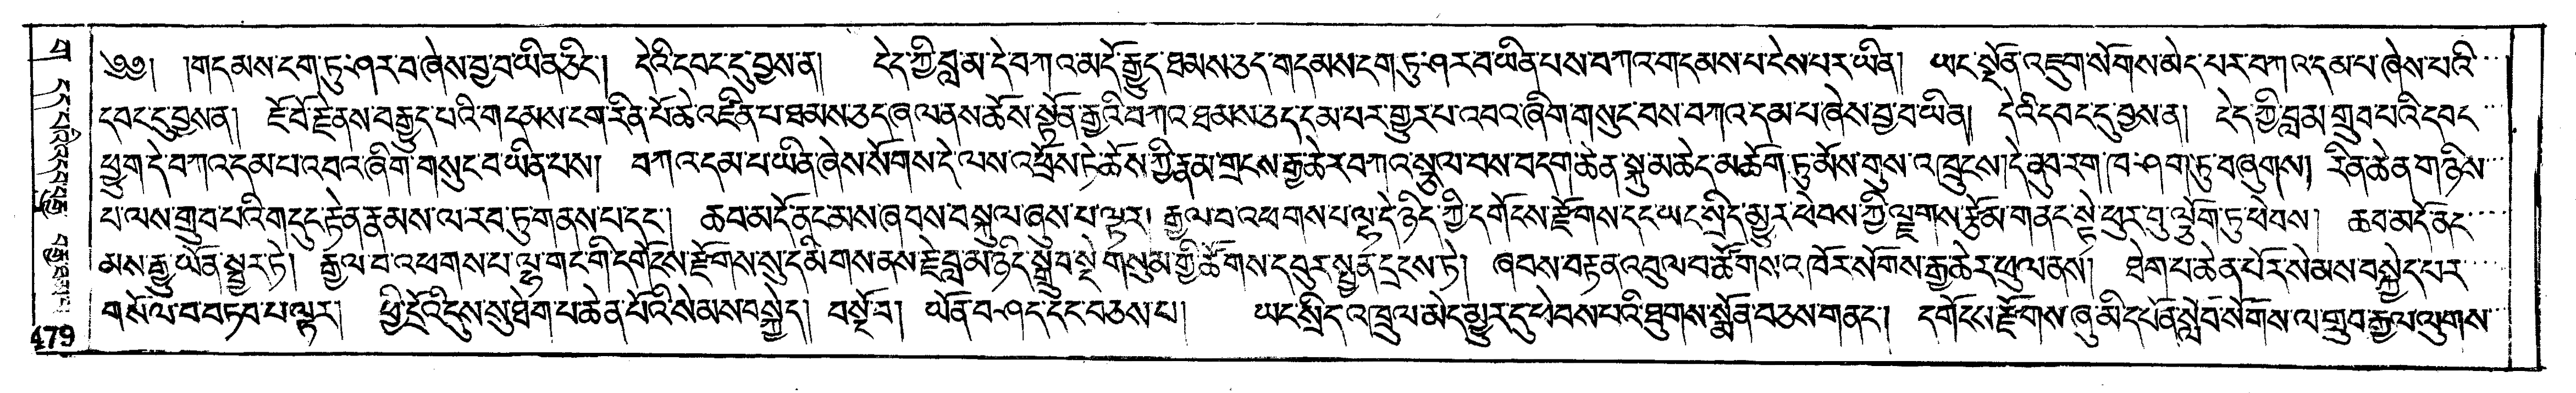༄༅། །གདམས་ངག་ཏུ་ཤར་བ་ཞེས་བྱ་བ་ཡིན་ཅིང་། དེའི་དབང་དུ་བྱས་ན། ངེད་གྱི་བླ་མ་དེ་བཀའ་མདོ་རྒྱུད་ཐམས་ཅད་གདམས་ངག་ཏུ་ཤར་བ་ཡིན་པས་བཀའ་གདམས་བ་ངེས་བར་ཡིན། ཡང་སྔོན་འཇུག་སོགས་མེད་པར་བཀའ་དམ་བ་ཞེས་བའི་
དབང་དུ་བྱས་ན། ཇོ་བོ་རྗེ་ནས་བརྒྱུད་བའི་གདམས་ངག་རིན་བོ་ཆེ་འཛིན་པ་ཐམས་ཅད་ཞལ་ནས་ཆོས་སྟོན་རྒྱུའི་བཀའ་ཐམས་ཅད་དམ་པར་གྱུར་བ་འབའ་ཞིག་གསུང་བས་བཀའ་དམ་པ་ཞེས་བྱ་བ་ཡིན། དེའི་དབང་དུ་བྱས་ན། ངེད་ཀྱི་བླ་མ་གྲུབ་པའི་དབང་
ཕྱུག་དེ་བཀའ་དམ་བ་འབའ་ཞིག་གསུང་བ་ཡིན་པས། བཀའ་དམ་པ་ཡིན་ཞེས་སོགས་དེ་ལས་འཕྲོས་ཏེ་ཆོས་ཀྱི་རྣམ་གྲངས་རྒྱ་ཆེར་བཀའ་སྩལ་བས་བདག་ཆེན་སྐུ་མཆེད་མཆོག་ཏུ་མོས་གུས་འཁྲུངས། དེ་ནུབ་རག་ཁ་ཤག་ཏུ་བཞུགས། རིན་ཆེན་གཉིས་
པ་ལས་གྲུབ་བའི་གདུང་རྟེན་རྣམས་ལ་རབ་ཏུ་གནས་བ་དང་། ཆབ་མདོ་ནང་མས་ཞབས་བསྐུལ་ཞུས་པ་ལྟར། རྒྱལ་བ་འཕགས་པ་ལྷ་དེ་ཉིད་ཀྱི་དགོངས་རྫོགས་དང་ཡང་སྲིད་མྱུར་ཕེབས་ཀྱི་ལྗགས་རྩོམ་གནང་སྟེ་ཕུར་བུ་ལྕོག་ཏུ་ཕེབས། ཆབ་མདོ་ནང་
མས་རྒྱུ་ཡོན་སྦྱར་ཏེ། རྒྱལ་བ་འཕགས་བ་ལྷ་གང་གི་དགོངས་རྫོགས་སུ་དམིགས་ནས་རྗེ་བླ་མ་ཉིད་སྒྲུབ་སྡེ་གསུམ་གྱི་ཚོགས་དབུར་སྤྱན་དྲངས་ཏེ། ཞབས་བརྟན་འབུལ་བ་ཚོགས་འཁོར་སོགས་རྒྱ་ཆེར་ཕུལ་ནས། ཐེག་པ་ཆེན་པོར་སེམས་བསྐྱེད་པ་
གསོལ་བ་བཏབ་པ་ལྟར། ཕྱི་དྲོའི་དུས་སུ་ཐེག་པ་ཆེན་པོའི་སེམས་བསྐྱེད། བསྔོ་བ། ཡོན་བཤད་དང་བཅས་བ། ཡང་སྲིད་འཁྲུལ་མེད་མྱུར་དུ་ཕེབས་པའི་ཐུགས་སྨོན་བཅས་གནང་། དགོངས་རྫོགས་ཞུ་མི་དཔོན་སློབ་སོགས་ལ་གྲུབ་རྒྱལ་ལུགས་